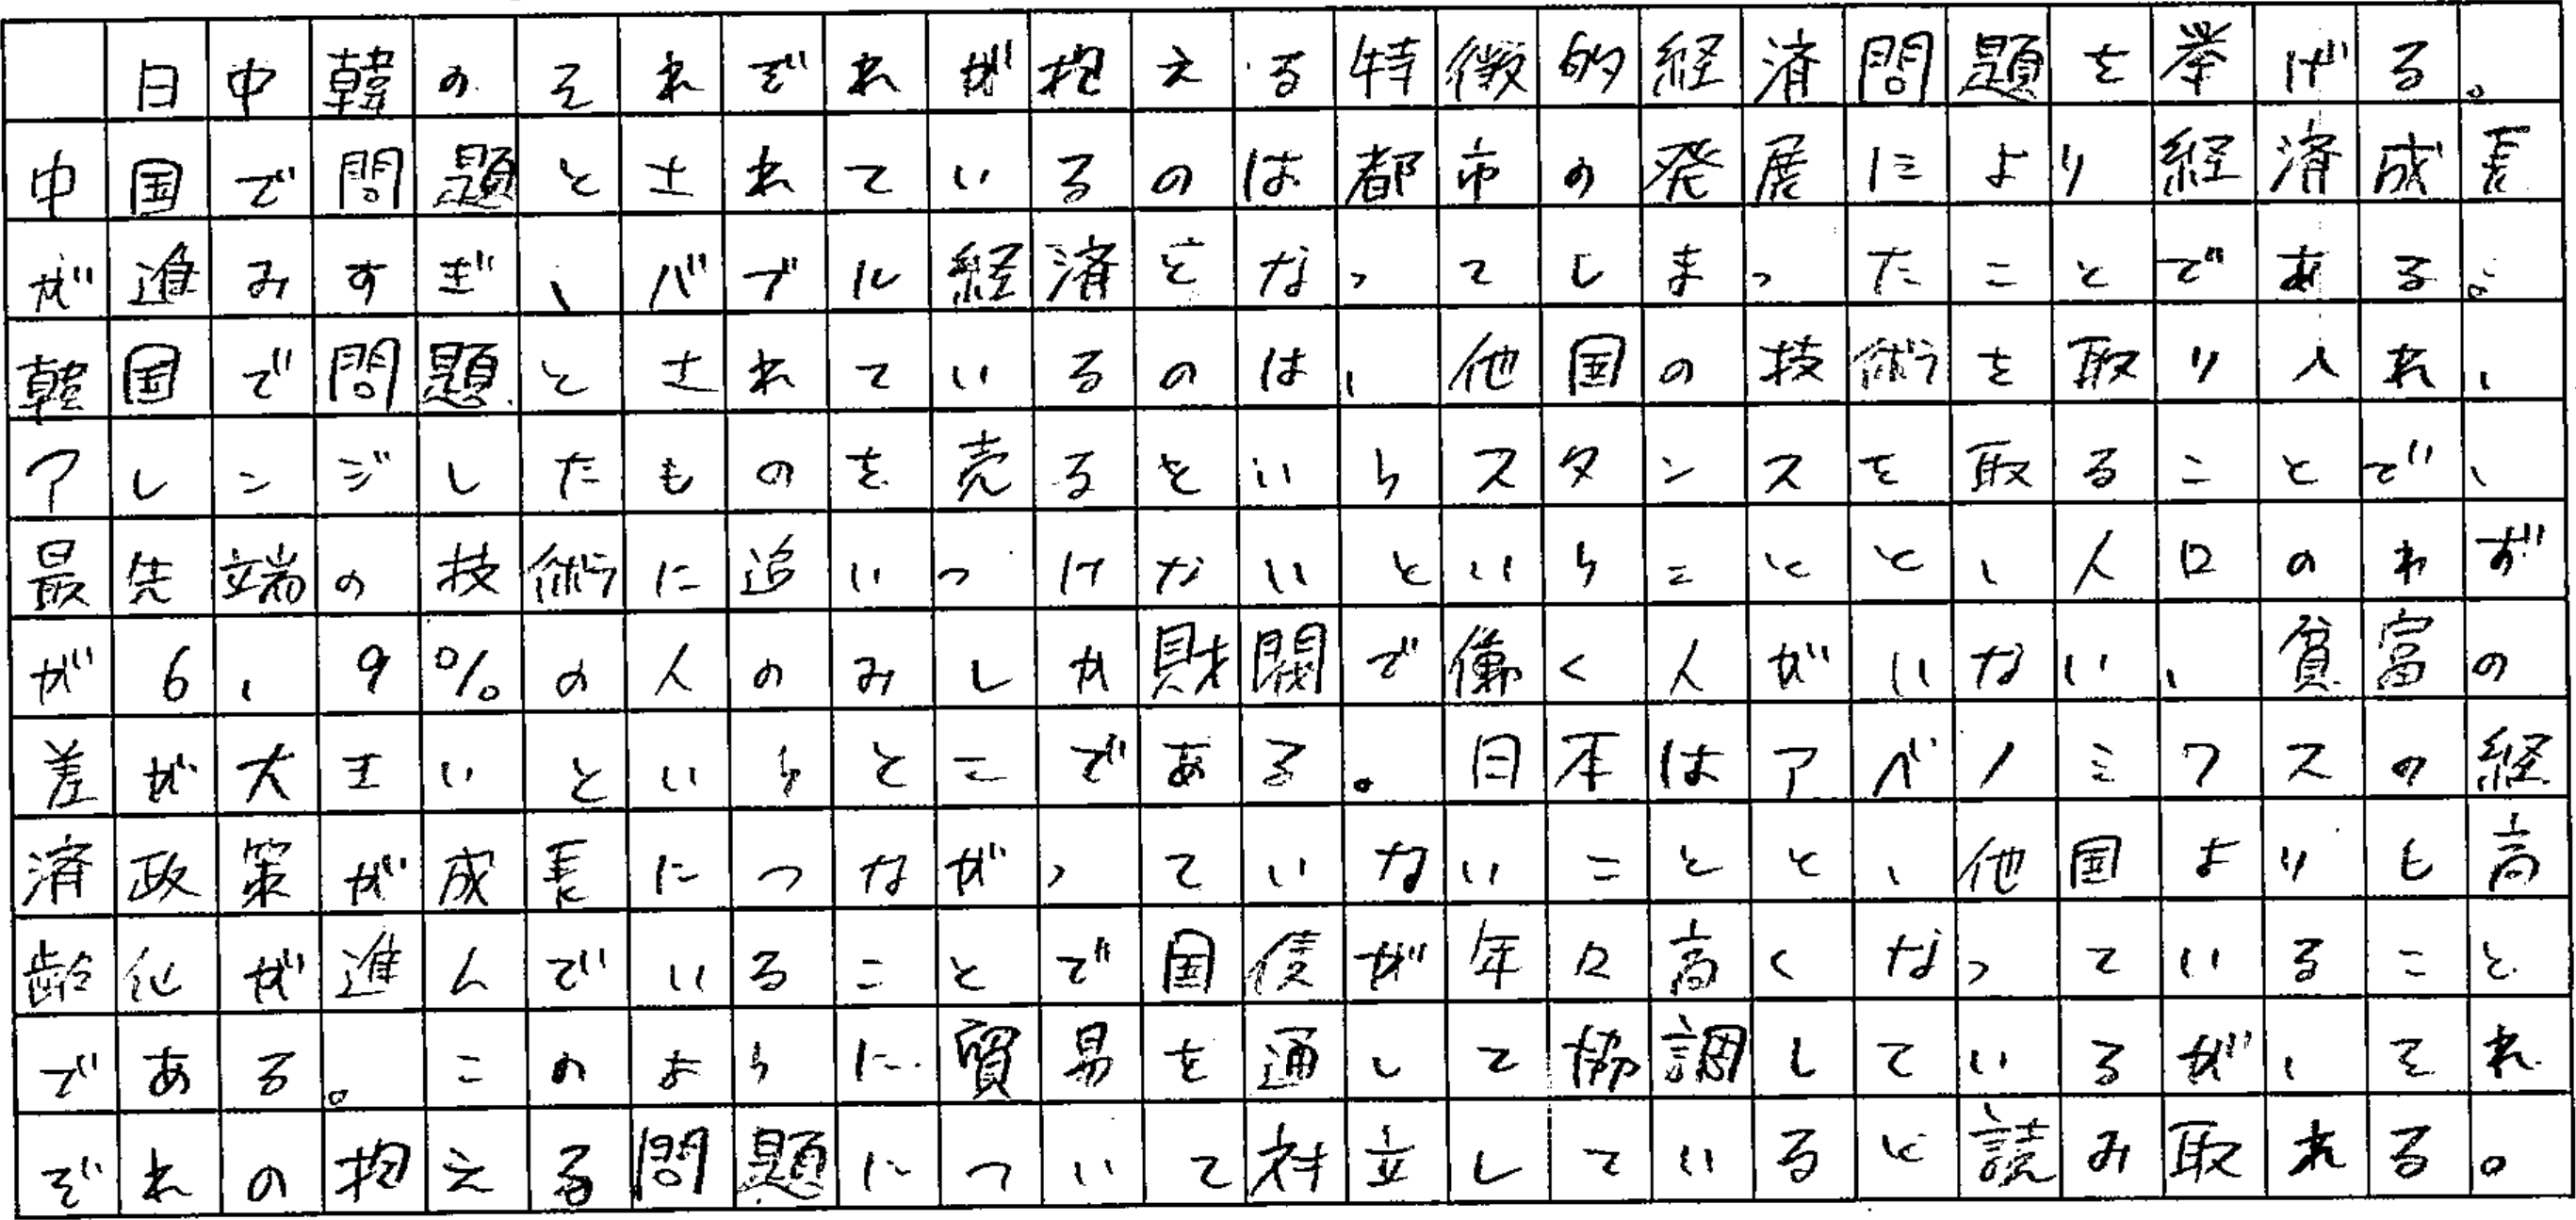　日中韓のそれぞれが抱える特徴的経済問題を挙げる。中国で問題とされているのは都市の発展により経済成長が進みすぎ、バブル経済となってしまったことである。韓国で問題とされているのは、他国の技術を取り入れ、アレンジしたものを売るというスタンスを取ることで、最先端の技術に追いつけないということと、人口のわずが６．９％の人のみしか財閥で働く人がいない、貧富の差が大きいということである。日本はアベノミクスの経済政策が成長につながっていないことと、他国よりも高齢化が進んでいることで国債が年々高くなっていることである。このように貿易を通して協調しているが、それぞれの抱える問題について対立していると読み取れる。
